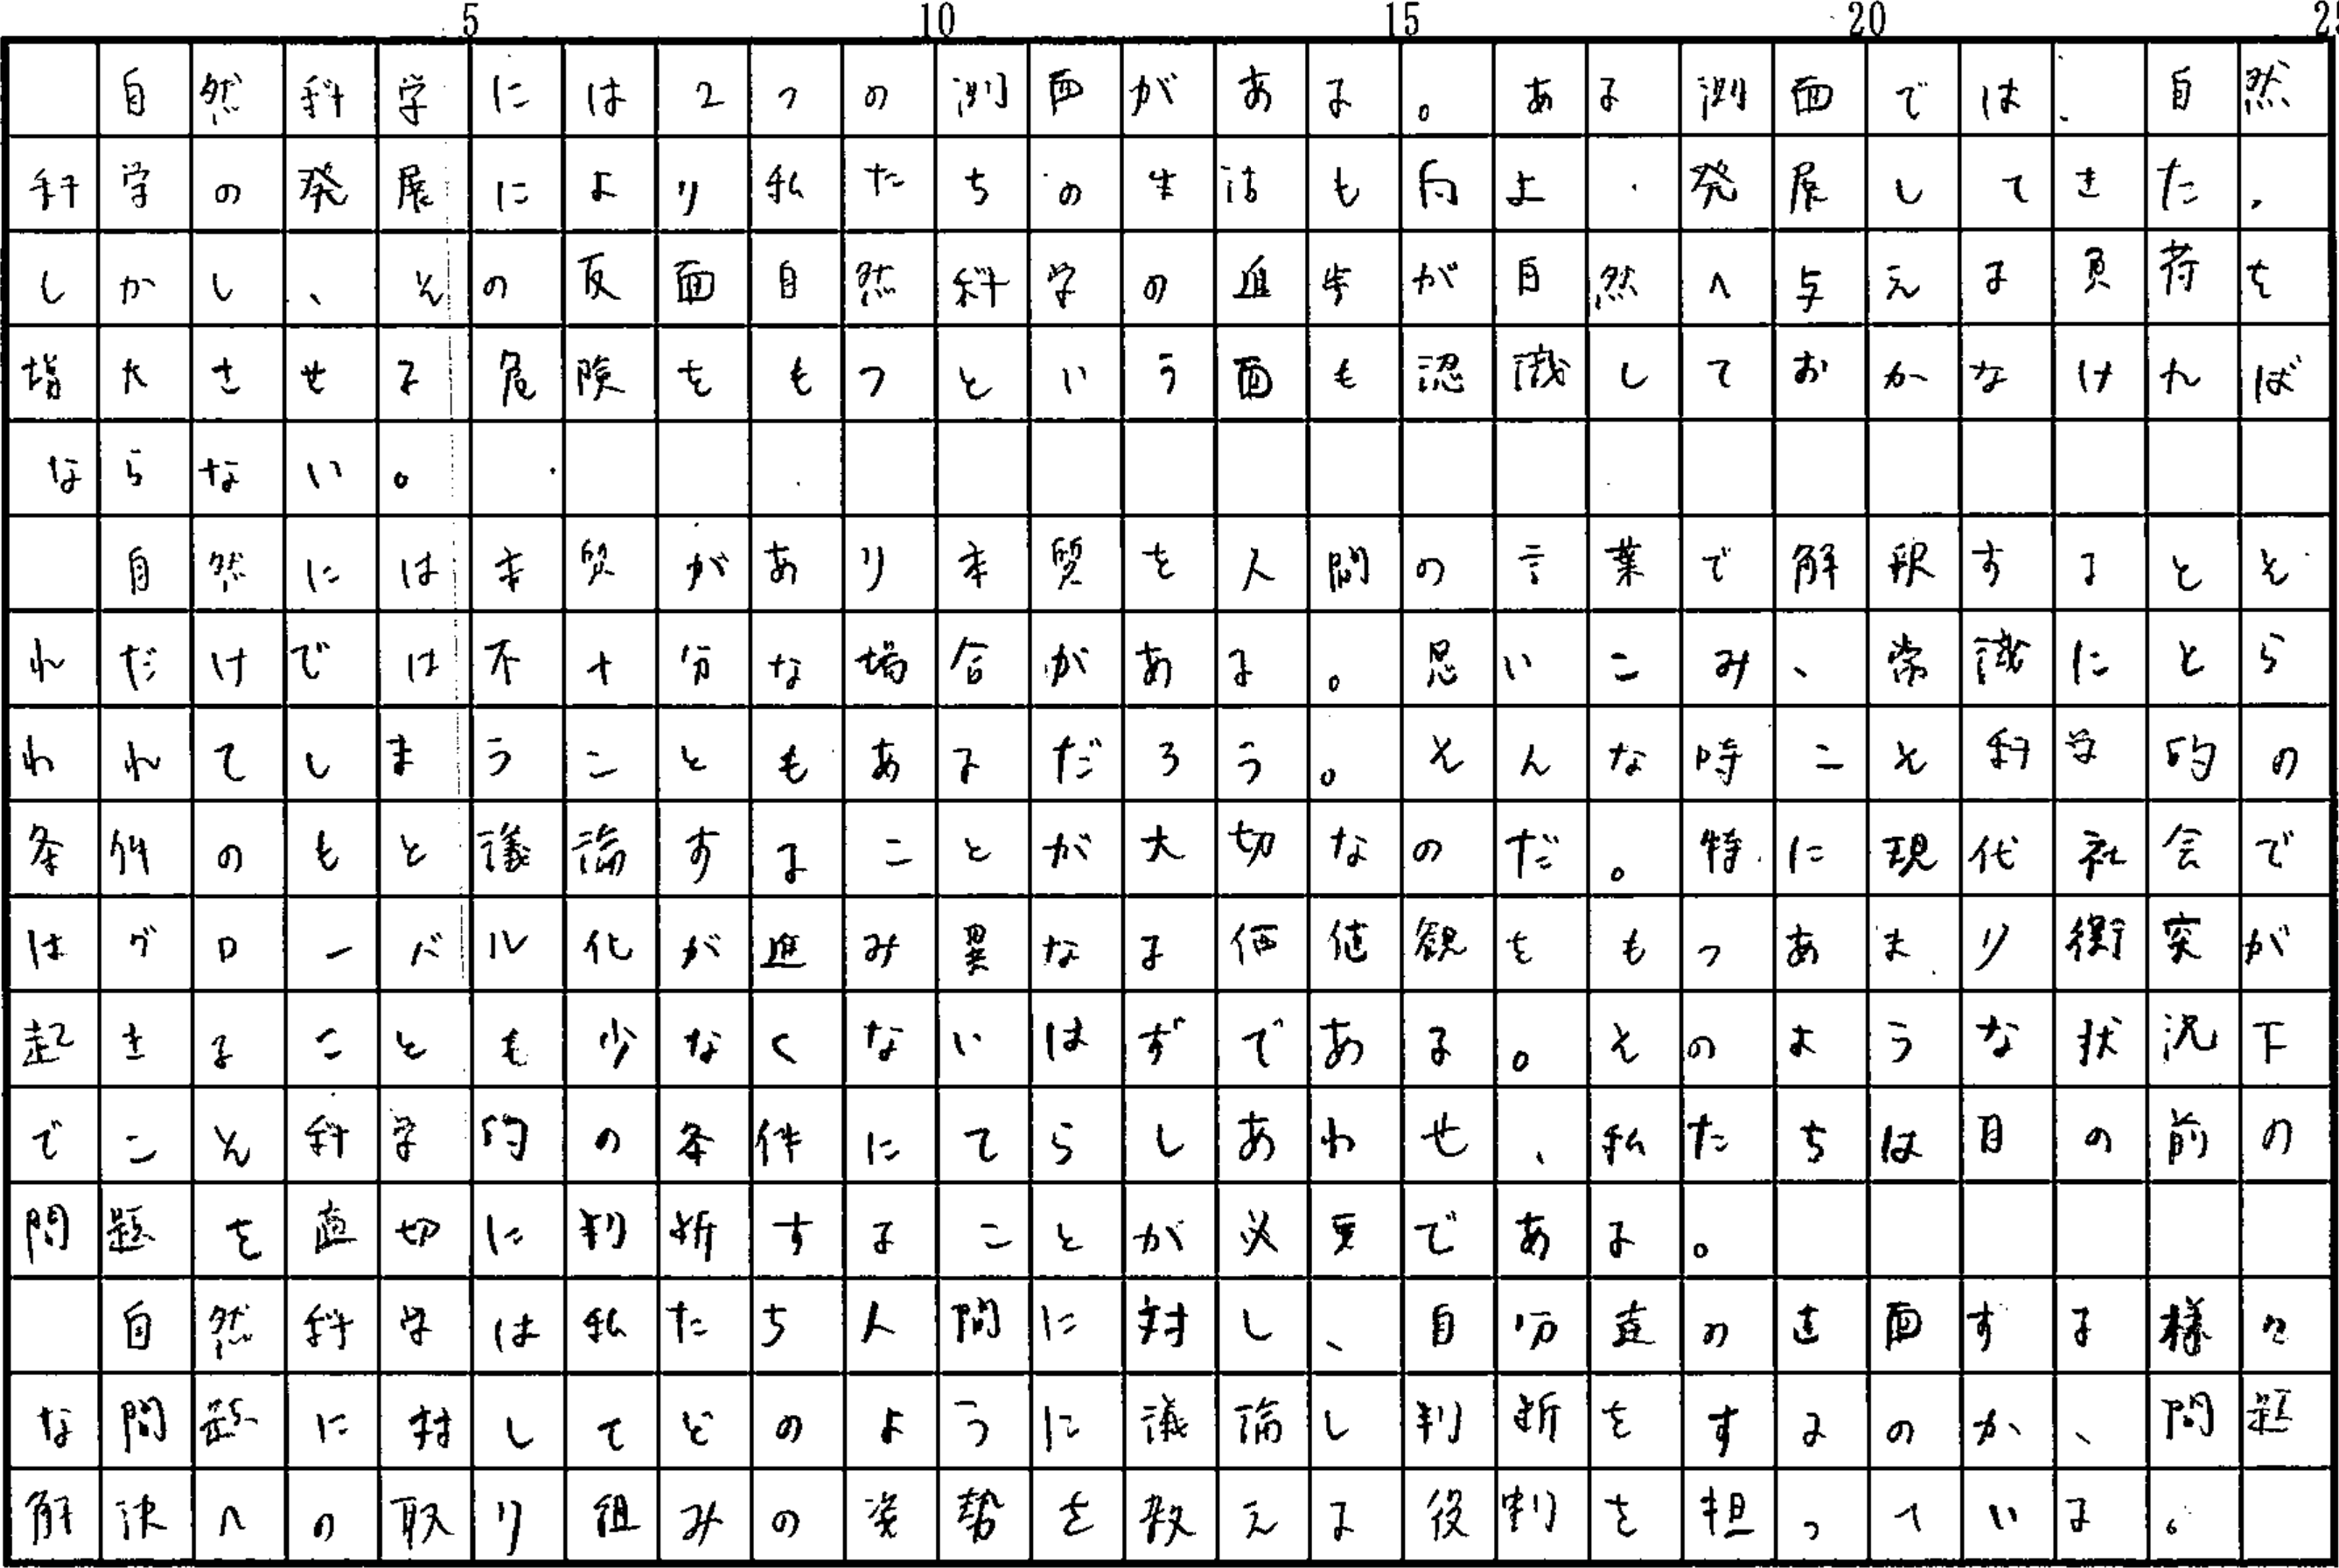　自然科学には２つの測面がある。ある測面では、自然科学の発展により私たちの生活も向上・発展してきた。しかし、その反面自然科学の進歩が自然へ与える負荷を増大させる危険をもつという面も認識しておかなければならない。
　自然には本質があり本質を人間の言葉で解釈するとそれだけでは不十分な場合がある。思いこみ、常識にとらわれてしまうこともあるだろう。そんな時こそ科学的の条件のもと議論することが大切なのだ。特に現代社会ではグローバル化が進み異なる価値観をもつあまり衡突が起きることも少なくないはずである。そのような状況下でこそ科学的の条件にてらしあわせ、私たちは目の前の問題を適切に判断することが必▁である。
　自然科学は私たち人間に対し、自分達の直面する様々な問題に対してどのように議論し判断をするのか、問題解決への取り組みの姿勢を教える役割を担っている。
